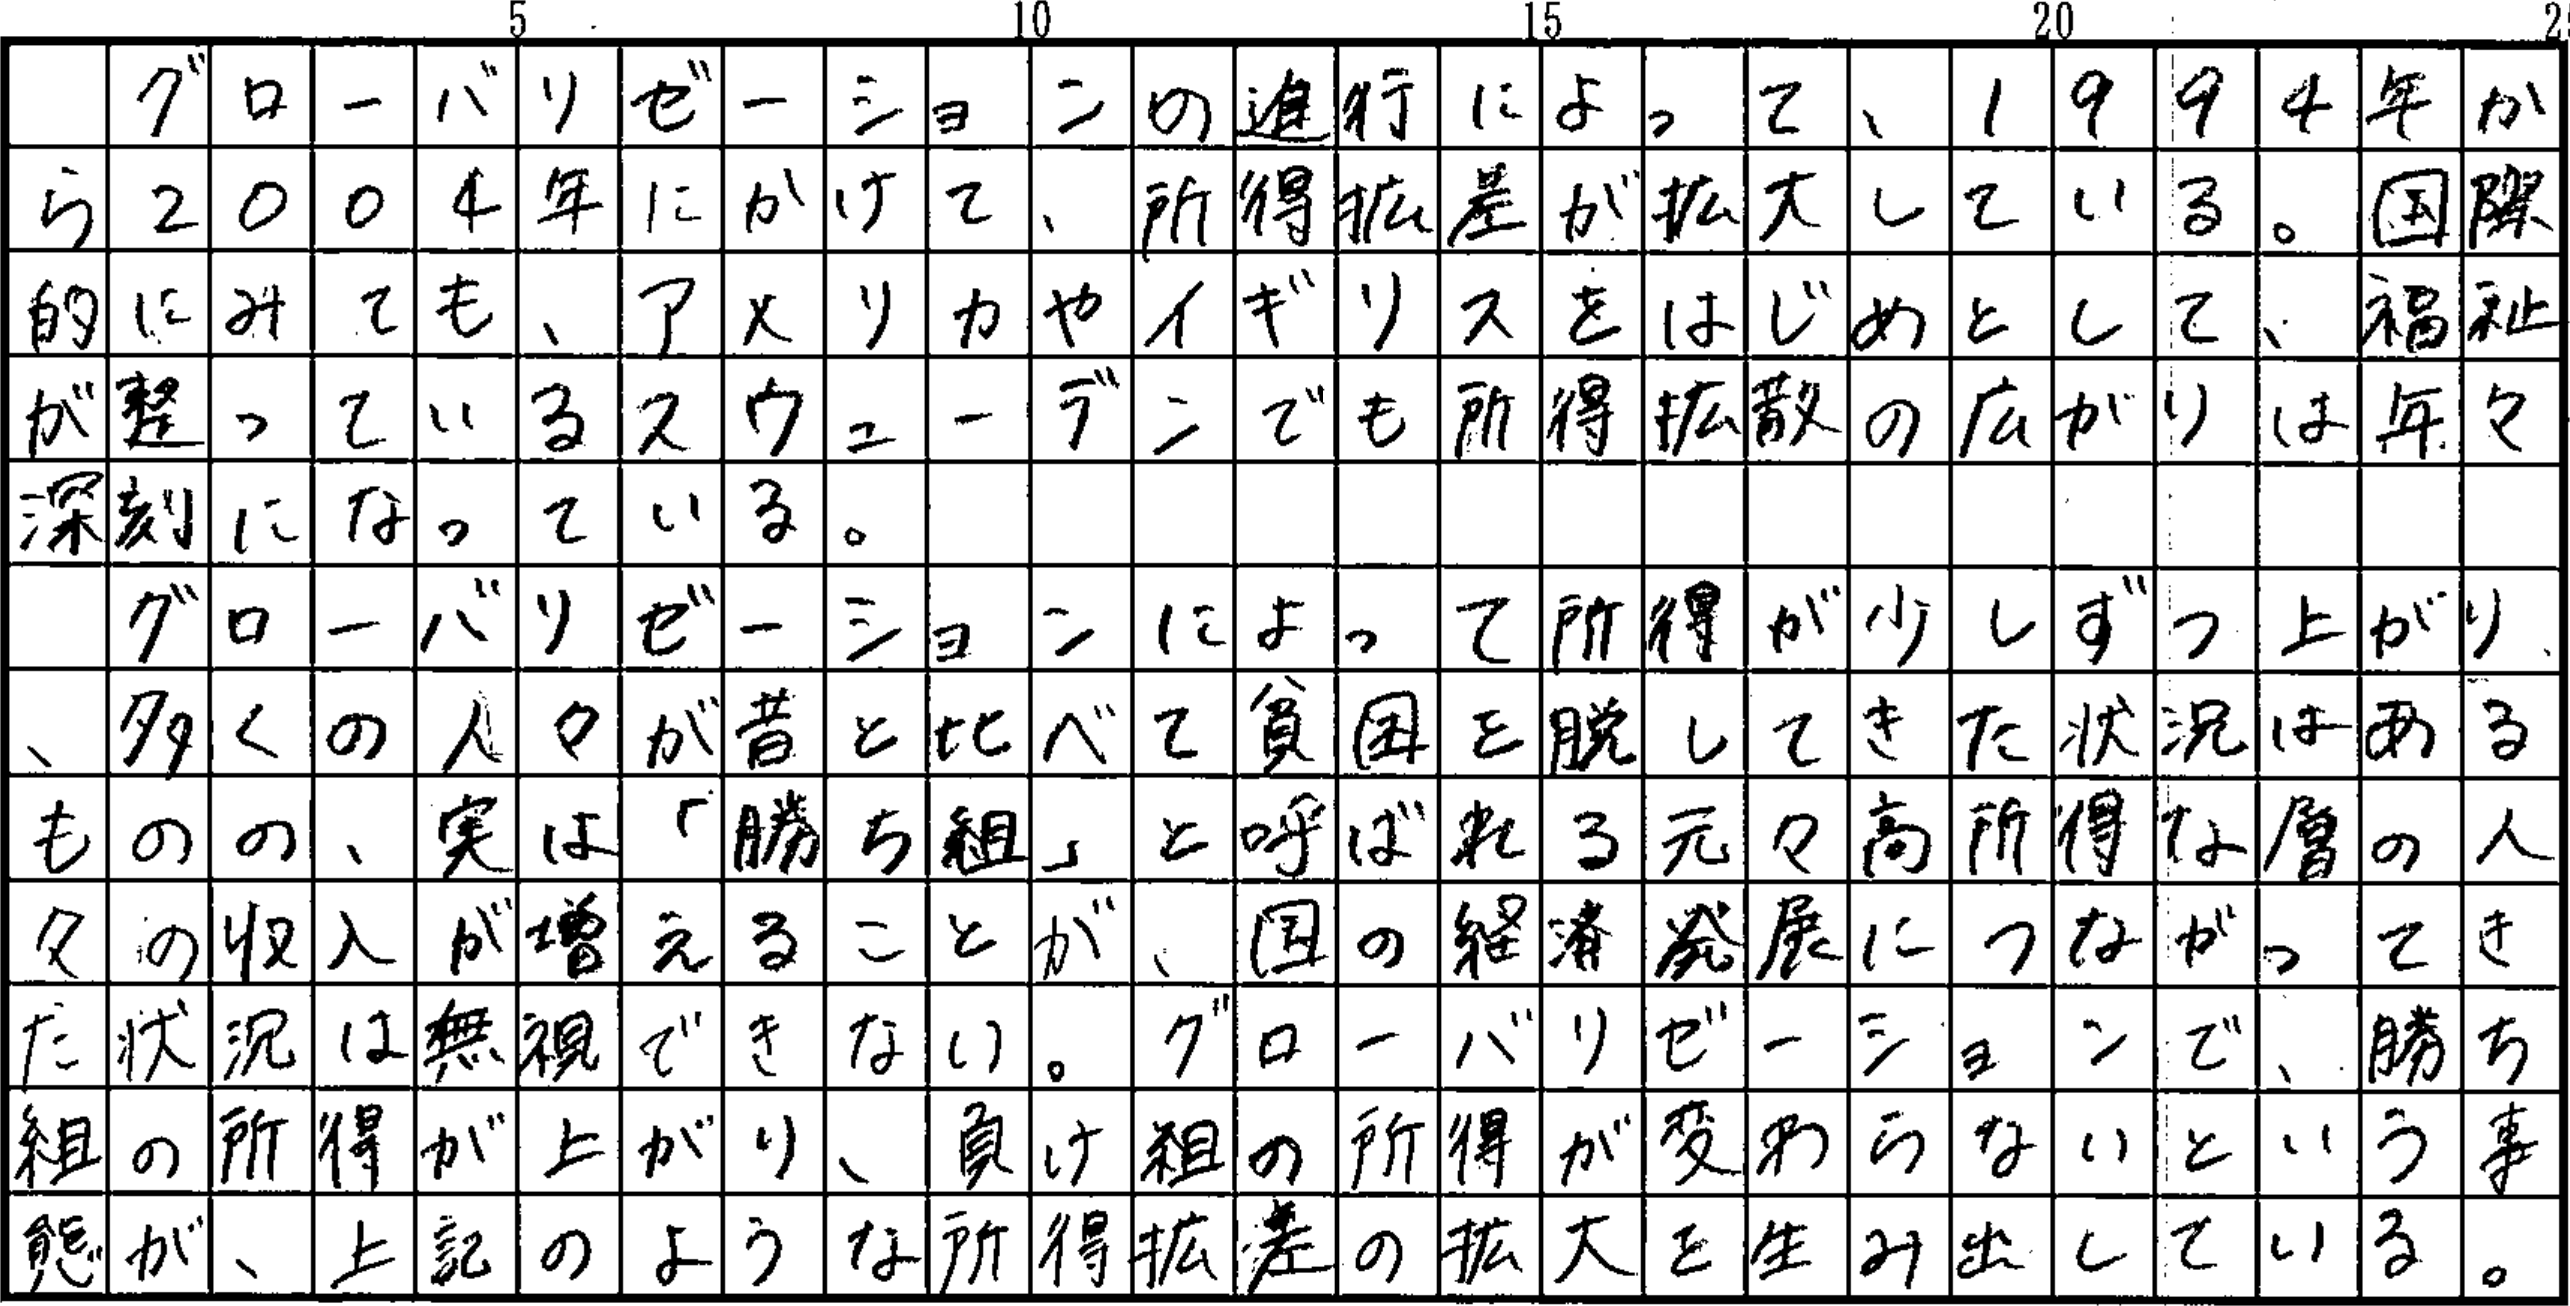　グローバリゼーションの進行によって、１９９４年から２００４年にかけて、所得拡差が拡大している。国際的にみても、アメリカやイギリスをはじめとして、福祉が整っているスウェーデンでも所得拡散の広がりは年々深刻になっている。
　グローバリゼーションによって所得が少しずつ上がり、多くの人々が昔と比べて貧困を脱してきた状況はあるものの、実は「勝ち組」と呼ばれる元々高所得な層の人々の収入が増えることが、国の経済発展につながってきた状況は無視できない。グローバリゼーションで、勝ち組の所得が上がり、負け組の所得が変わらないという事態が、上記のような所得拡差の拡大を生み出している。
